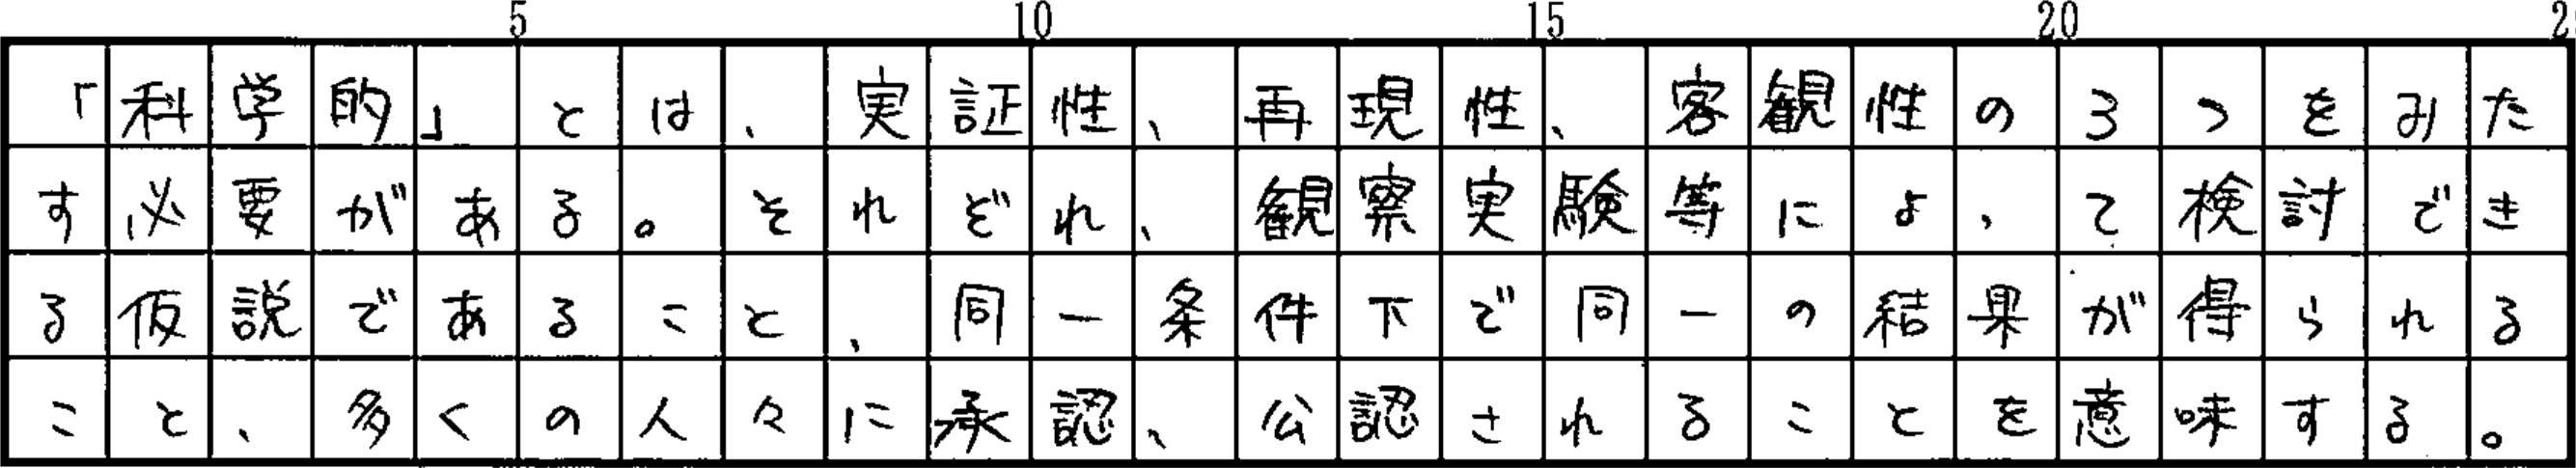「科学的」とは、実証性、再現性、客観性の３つをみたす必要がある。それぞれ、観察実験等によって検討できる仮説であること、同一条件下で同一の結果が得られること、多くの人々に承認、公認されることを意味する。
